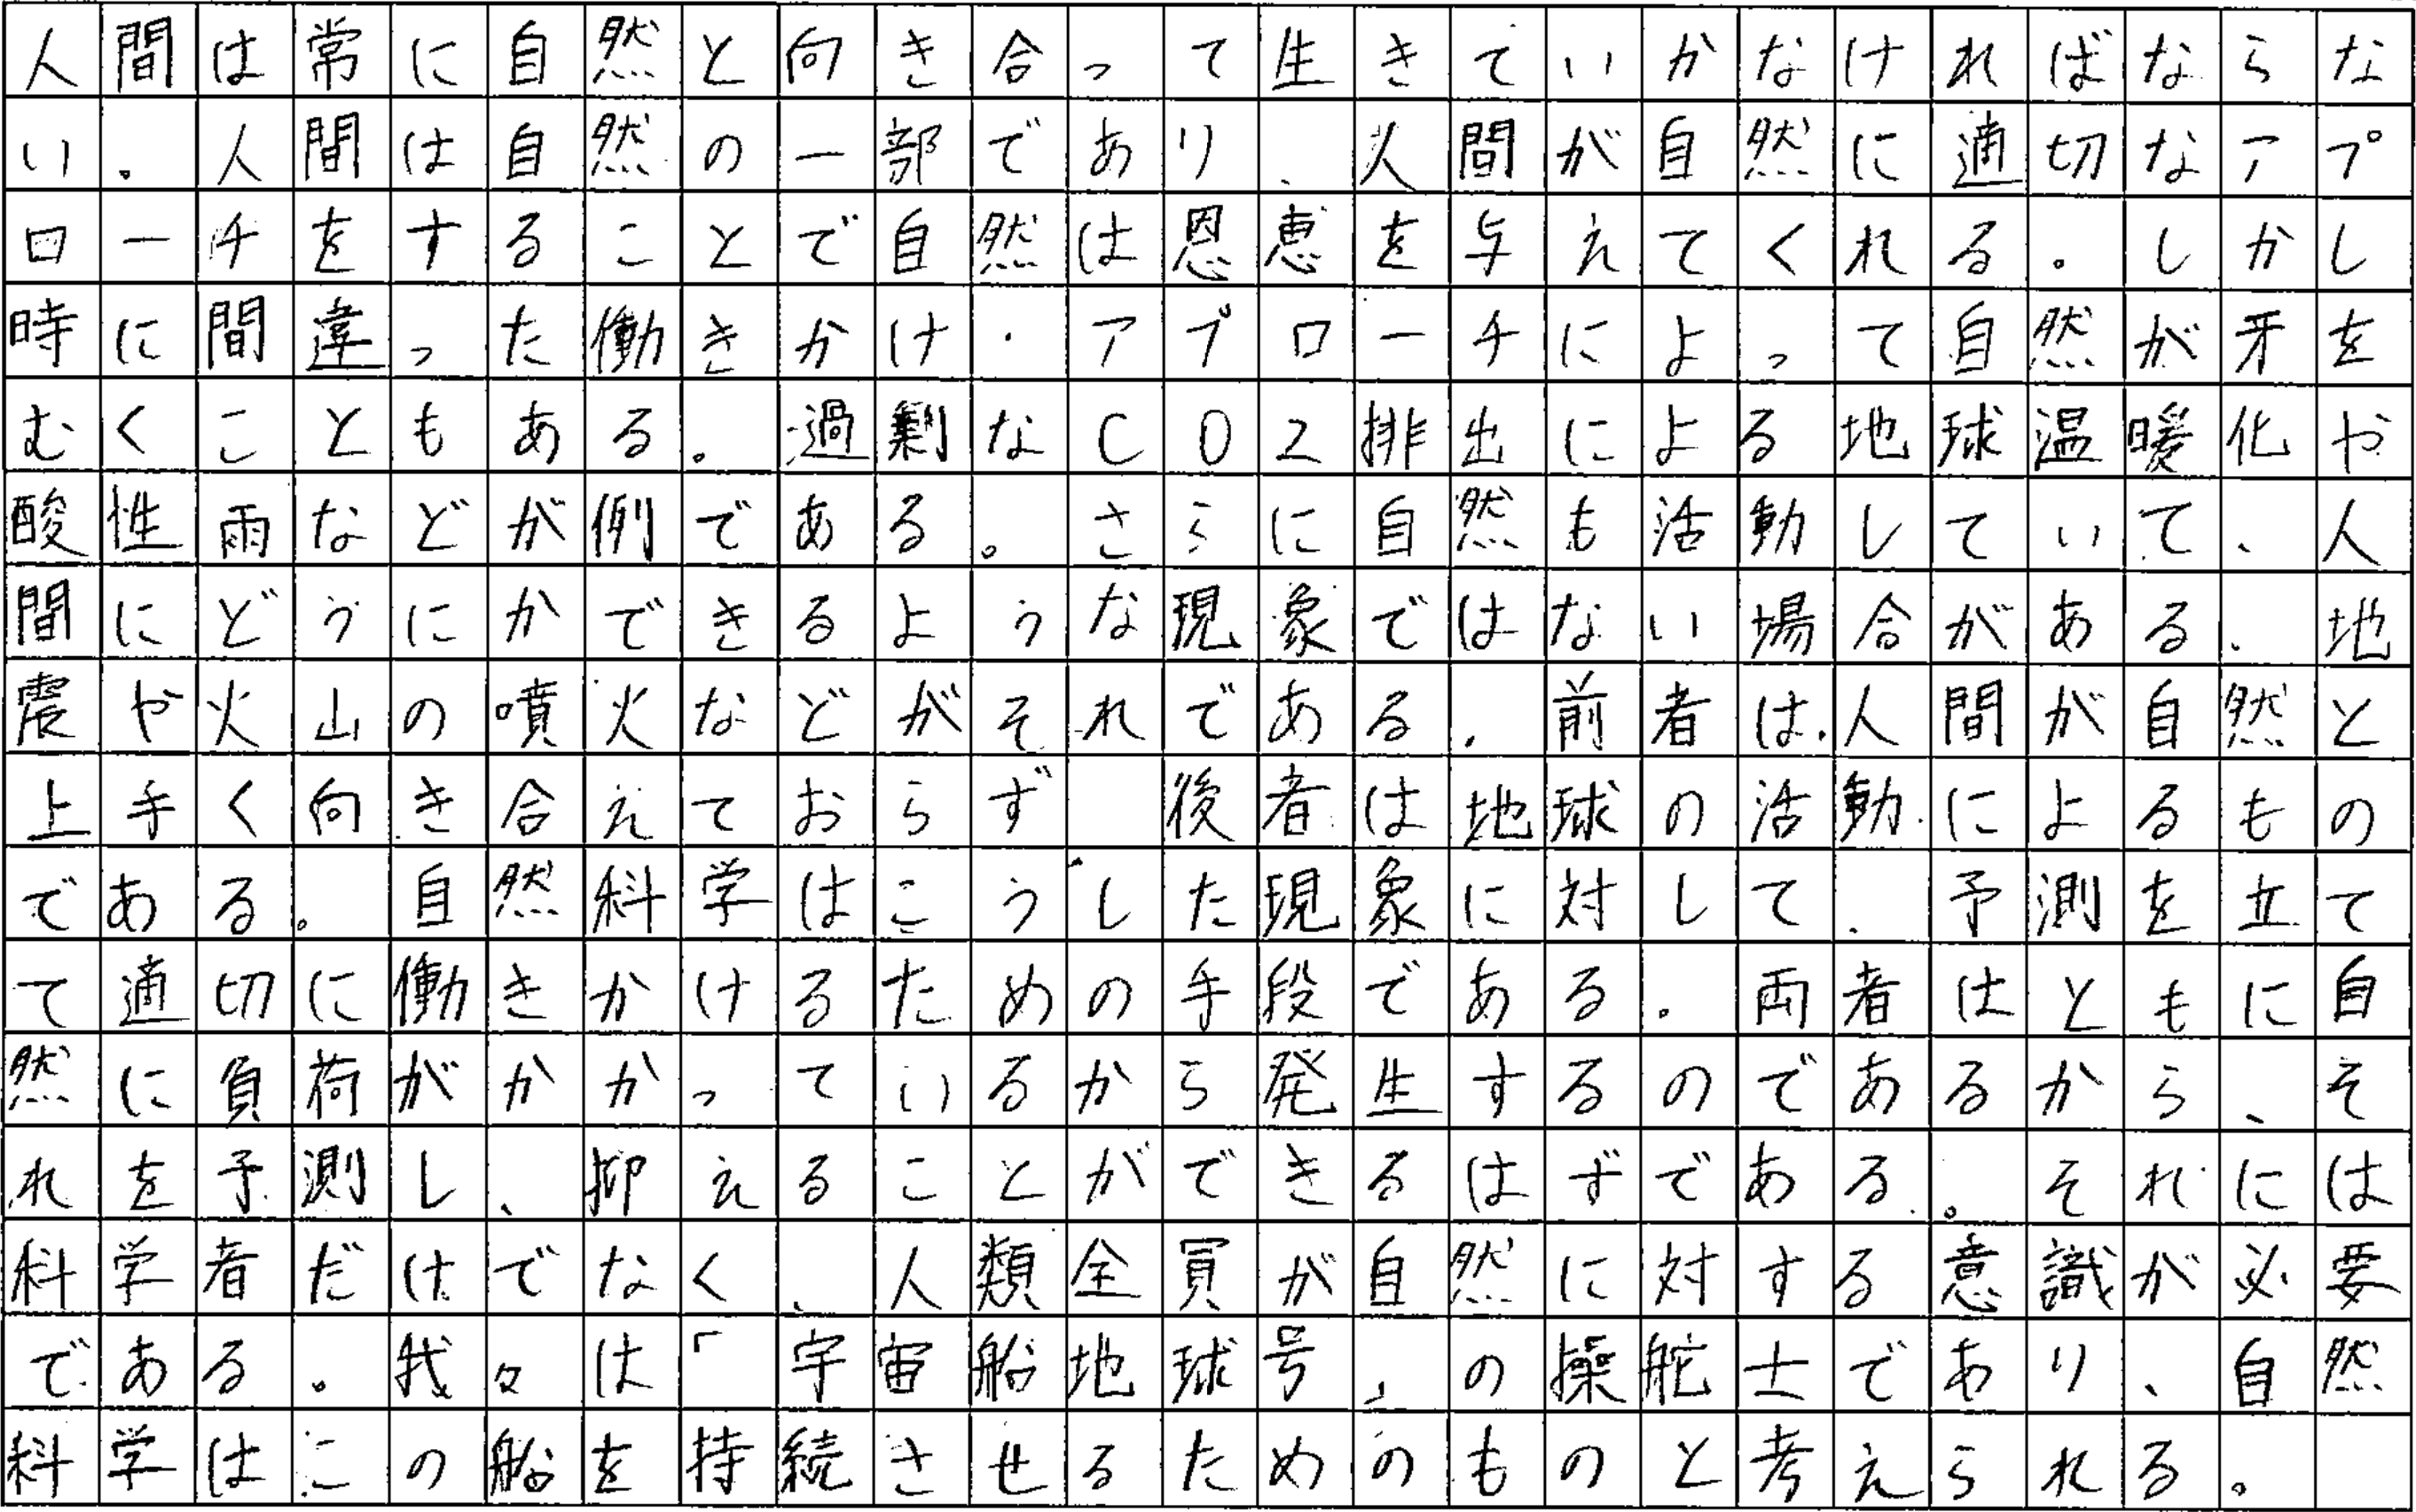人間は常に自然と向き合って生きていかなければならない。人間は自然の一部であり、人間が自然に適切なアプローチをすることで自然は恩恵を与えてくれる。しかし時に間違った働きかけ・アプローチによって自然が牙をむくこともある。過▁なＣＯ２排出による地球温暖化や酸性雨などが例である。さらに自然も活動していて、人間にどうにかできるような現象ではない場合がある。地震や火山の噴火などがそれである。前者は人間が自然と上手く向き合えておらず、後者は地球の活動によるものである。自然科学はこうした現象に対して、予測を立てて適切に働きかけるための手段である。両者はともに自然に負荷がかかっているから発生するのであるから、それを予測し、抑えることができるはずである。それには科学者だけでなく、人類全員が自然に対する意識が必要である。我々は「宇宙船地球号」の操舵士であり、自然科学はこの船を持続させるためのものと考えられる。
